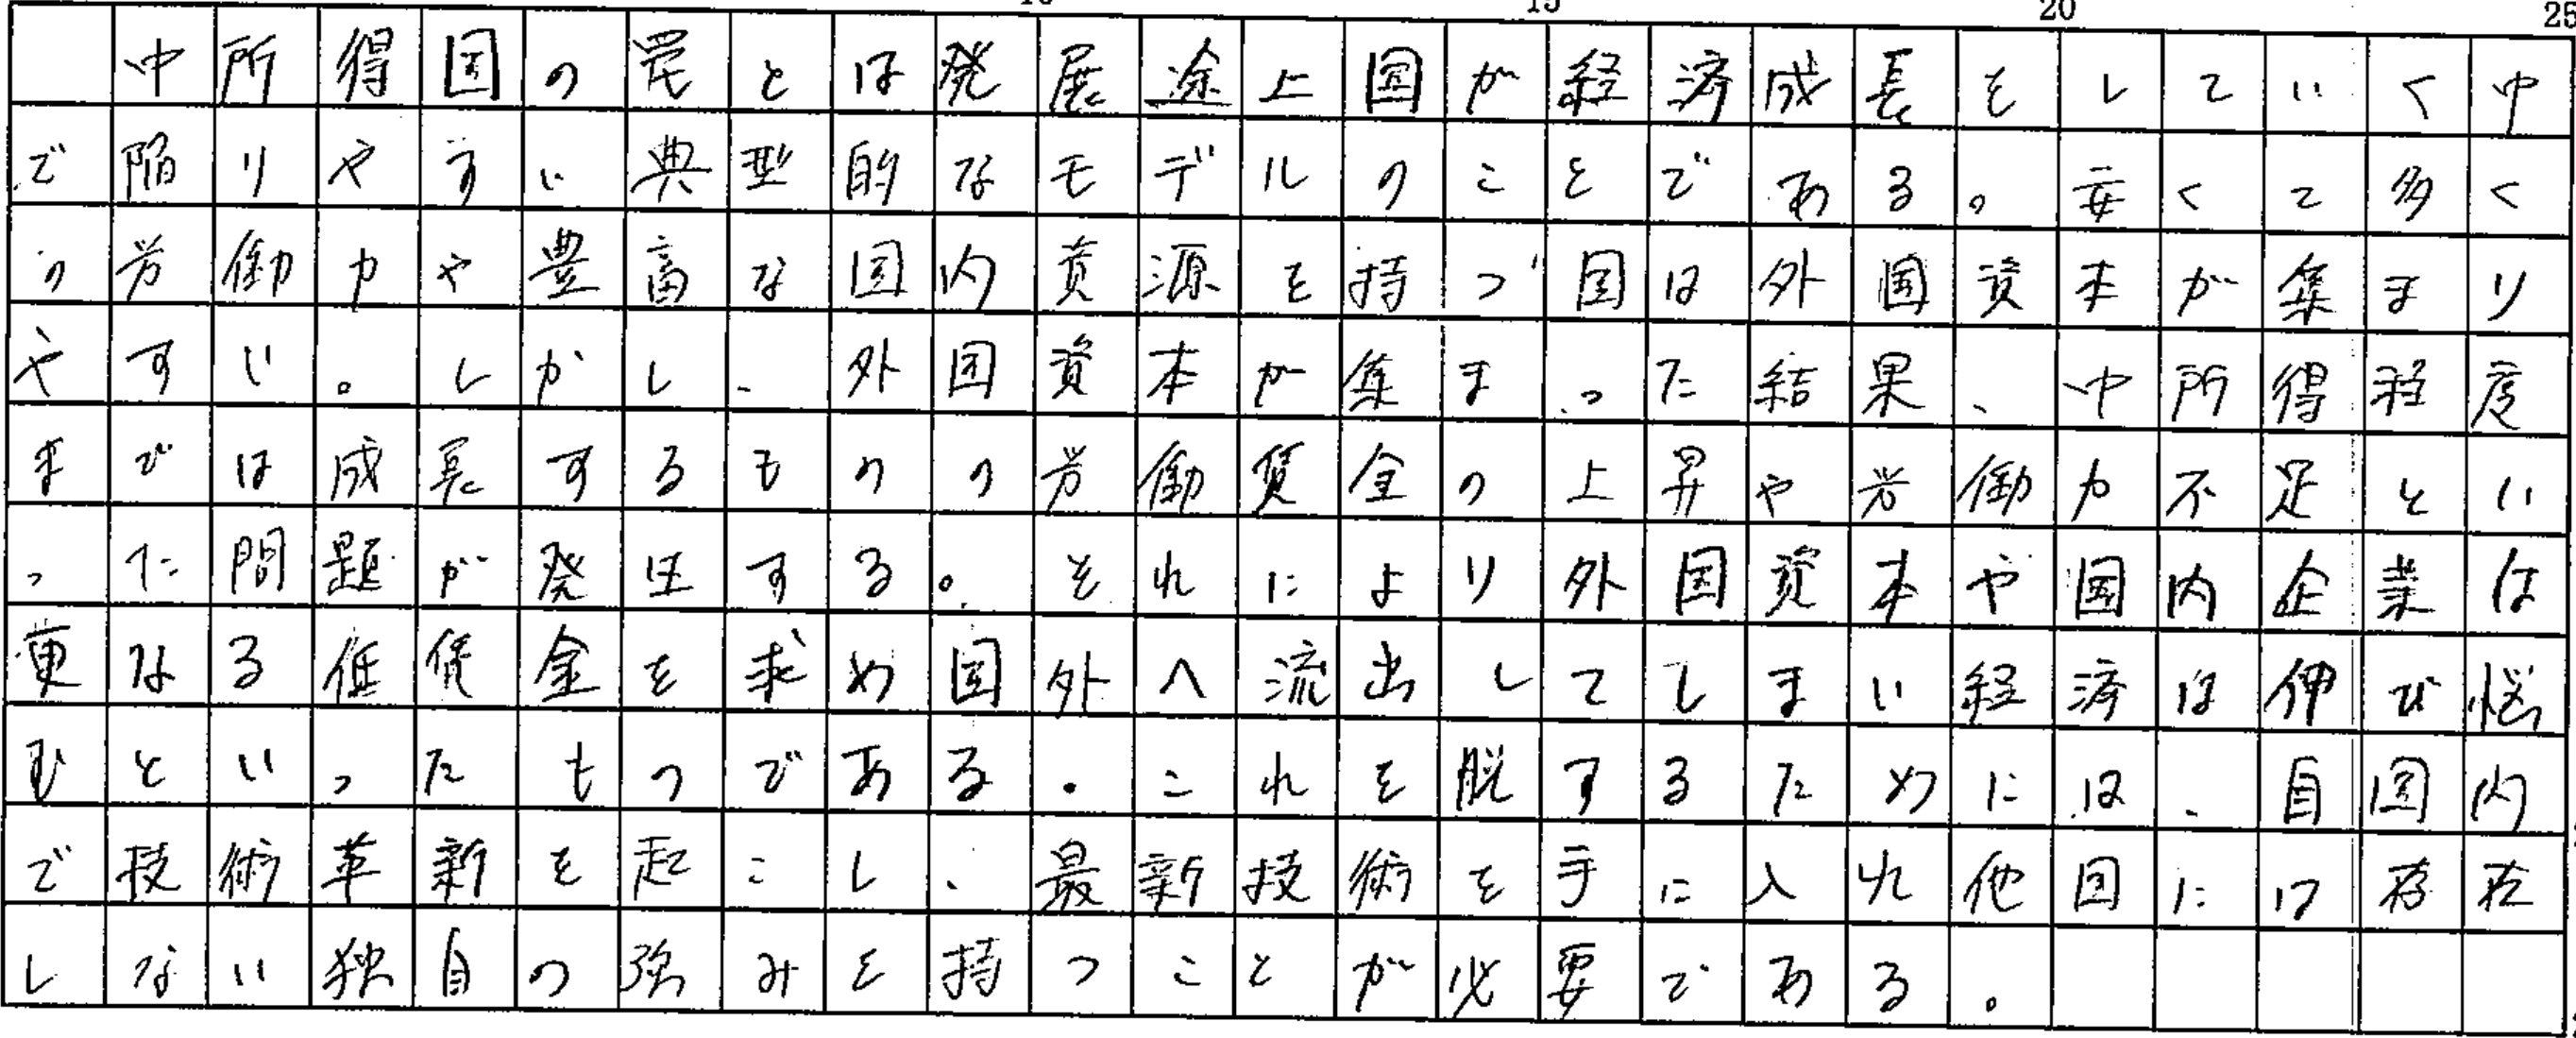　中所得国の罠とは発展途上国が経済成長をしていく中で陥りやすい典型的なモデルのことである。▁くて多くの▁働力や豊▁な国内資源を持つ国は外国資本が集まりやすい。しかし、外国資本が集まった結果、中所得程度までは成長するものの▁働賃金の上昇や▁働力不足といった問題が発生する。それにより外国資本や国内企業は更なる低賃金を求め国外へ流出してしまい経済は伸び悩むといったものである。これを脱するためには、自国内で技術革新を起こし、最新技術を手に入れ他国には存在しない独自の強みを持つことが必要である。
